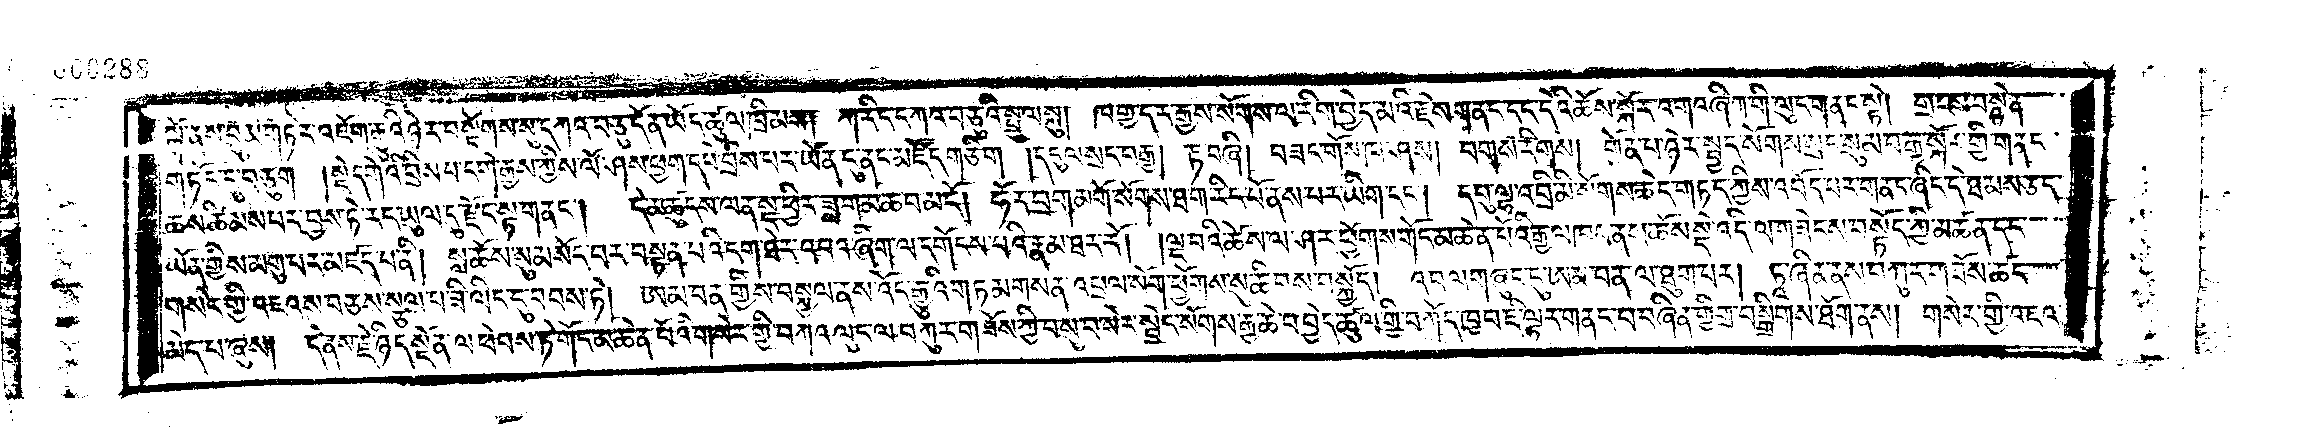སྒོ་ནས་བུམ་གཏེར་འཇོག་རྒྱུའི་ཉེར་བསྡོགས་སུ་དཀའ་བཅུ་དོན་ཡོད་ཚུལ་ཁྲིམས། ཀ་རིང་དཀའ་བཅུའི་སྤྲུལ་སྐུ། ཁ་གྱ་དར་རྒྱས་སོགས་ལ་རིག་བྱེད་མའི་རྗེས་གནང་དང་དེའི་ཆོས་སྐོར་འགའ་ཞིག་གི་ལུང་གནང་སྟེ། གྲངས་བསྙེན་
གཏོང་དུ་བཅུག །སྡེ་དགེའི་བྲིས་པ་དགེ་རྒྱས་ཀྱིས་ལོ་ཤས་ཕྱག་དཔེ་བྲིས་པར་ཡོན་དུ་ནང་མཛོད་གཅིག །དངུལ་སྲང་བརྒྱ། རྟ་བཞི། བཟང་གོས་ཁ་ཤས། པགས་རིགས། གྱོན་པ་ཉེར་སྤྱད་སོགས་སྲང་སུམ་བརྒྱ་སྐོར་གྱི་གནང་
ཆས་ཚིམས་པར་བྱས་ཏེ་རང་ཡུལ་དུ་རྫོང་སྟ་གནང་། དེ་མཚུངས་ལན་སྔ་ཕྱིར་ཟླ་གམ་ཆབ་མདོ། ཧོར་བྲག་མགོ་སོགས་ཐག་རིང་པོ་ནས་པར་ཡིག་དང་། དབུ་ལྷ་འབྲི་མི་སོགས་ཆེད་གཏད་ཀྱིས་འབོད་པར་གནང་ཞིང་དེ་ཐམས་ཅད་
ཡོན་གྱིས་མགུ་བར་མཛད་པ་ནི། སླ་ཆོས་སུ་མ་སོང་བར་བསྟན་པའི་དག་ཐེར་འབའ་ཞིག་ལ་དགོངས་པའི་རྣམ་ཐར་རོ། །ལྔ་པའི་ཚེས་ལ་ཤར་ཕྱོགས་གོང་མ་ཆེན་པོའི་རྒྱལ་ཁབ་ནས་ཆོས་སྡེ་འདི་ལ་གཟེངས་བསྟོད་ཀྱི་མཚན་དང་
གསེར་གྱི་འཇའ་ས་བཅས་སྩལ་པ་ཟི་ལིང་དུ་བབས་ཏེ། ཨམ་བན་གྱིས་བསྐྱལ་ནས་འོང་རྒྱུའི་གཏམ་གསན་འཕྲལ་སོག་ཕྱོགས་སུ་ཆིབས་བསྐྱོད། འབལ་གཞུང་དུ་ཨ་མ་བན་ལ་ཐུག་པར། ཏཱ་ཞིན་ནས་བཀུར་གཟོས་ཚད་
མེད་པ་ཞུས། དེ་ནས་རྗེ་ཉིད་སྔོན་ལ་ཕེབས་ཏེ་གོང་མ་ཆེན་པོའི་གསེར་གྱི་བཀའ་ལུང་ལ་བཀུར་གཟོས་ཀྱི་བསུ་བ་སེར་སྦྲེང་སོགས་རྒྱ་ཆེ་བ་བྱེད་ཚུལ་གྱི་བཀོད་ཁྱབ་ཇི་ལྟར་གནང་བ་བཞིན་གྱི་གྲ་བསྒྲིགས་ཐོག་ནས། གསེར་གྱི་འཇའ་